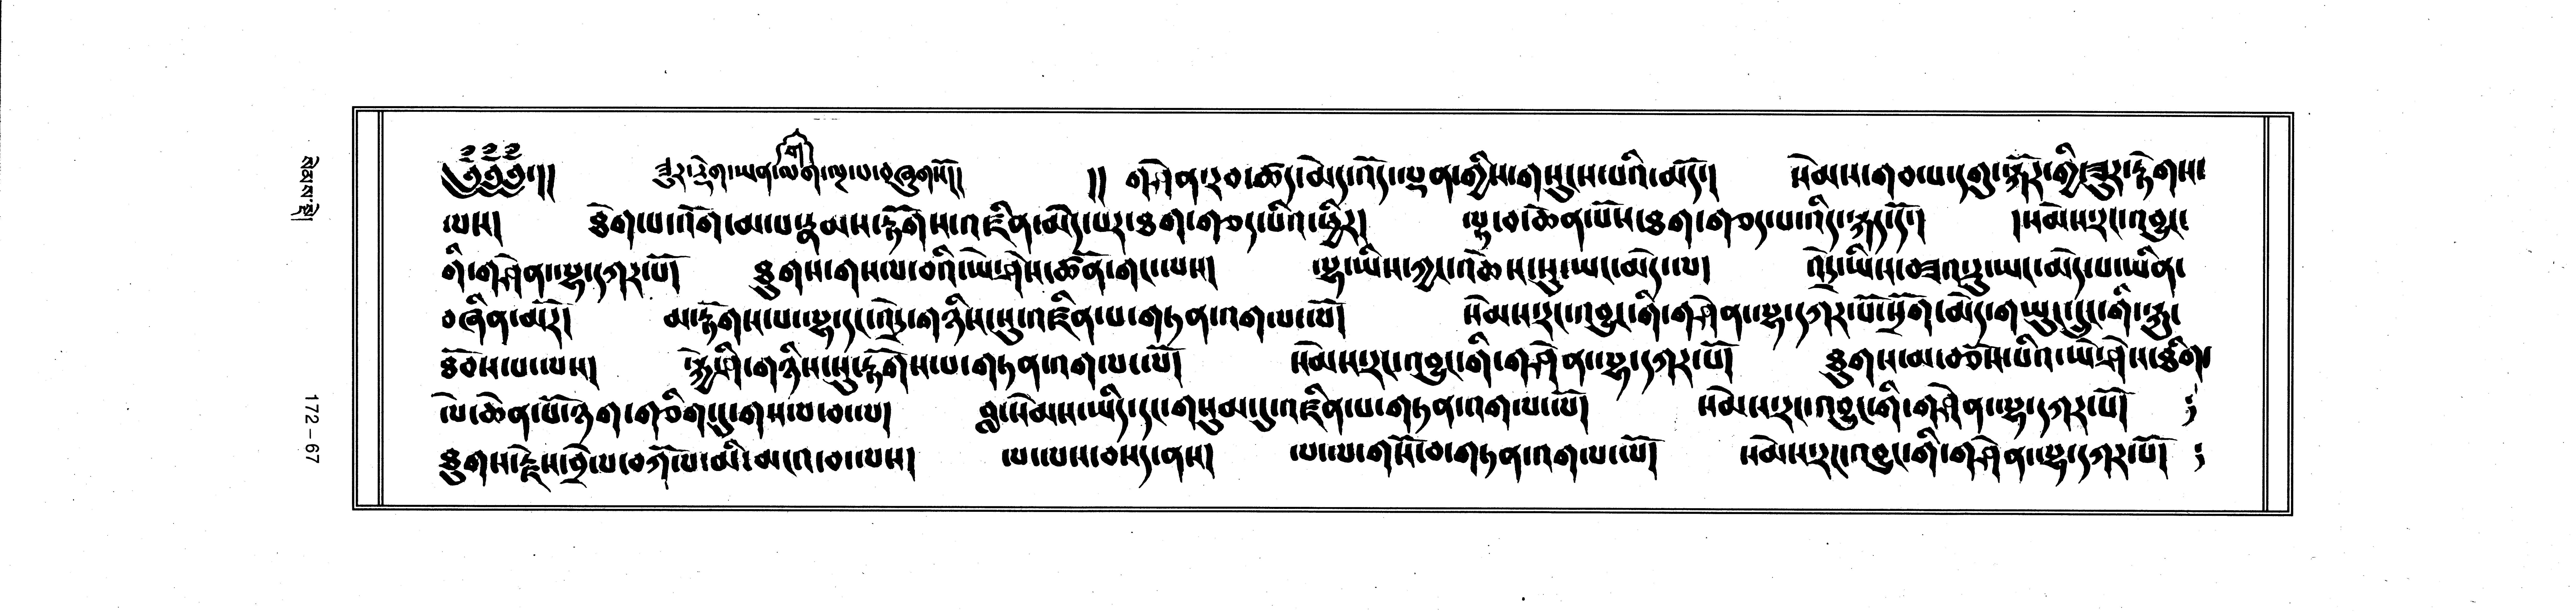(67༼ག༽།།ཟུར་རྡེག་ཡན་ལག་ལྔ་པ་བཞུགས་སྭོ།།༄༅༅།། །།གཤེན་རབ་ཚད་མེད་འོད་ལྡན་གྱིས་གསུངས་པའི་མདོ། སེམས་གབ་པ་དགུ་སྐོར་གྱི་ཟུར་རྟེགས་
ལས། ཐེག་པ་འོག་མ་པ་རྣོགས་འཛིན་མེད་པར་ཐག་གཅད་པའི་ཕྱིར། ལྟ་བ་ཆེན་པོས་ཐག་གཅད་པ་འདི་སྐད་དོ། སེམས་རང་འབྱུང་
གི་གཤེན་ལྷ་དཀར་པོ། ཐུགས་གསལ་བའི་ཡེ་ཤེས་ཚོན་གང་ལས། ལྷ་ཡིས་ཀྱང་འཆེས་སུ་ཡང་མེད་ལ། འདྲེ་ཡིས་བཟའ་རུ་ཡང་མེད་པ་ཡིན། 
བཞིན་མོར་མ་རྟོགས་པ་ལྷ་དང་འདྲེ་གཉིས་སུ་འཛིན་པ་གཏན་འགལ་ལོ། སེམས་རང་འབྱུང་གི་གཤེན་ལྷ་དཀར་པོ་སྲོག་མེད་གཡུང་དྲུང་གི་སྐུ་
ཐོབས་པ་ལས། སྐྱེ་ཤི་གཉིས་སུ་རྟོགས་པ་གཏན་འགལ་ལོ། སེམས་རང་འབྱུང་གི་གཤེན་ལྷ་དཀར་པོ། ཐུགས་མ་བཅོས་པའི་ཡེ་ཤེས་ཐིག་
ལེ་ཆེན་པོ་ཉག་གཅིག་དུ་གསལ་བ་ལ། བླ་སེམས་ཡིད་དང་གསུམ་དུ་འཛིན་པ་གཏན་འགལ་ལོ། སེམས་རང་འབྱུང་གི་གཤེན་ལྷ་དཀར་པོ། 
ཐུགས་རྗེས་བྲེལ་བཀོལ་མི་མངའ་བ་ལས། ལ་ལས་བསད་ནས། ལ་ལ་གསོ་བ་གཏན་འགལ་ལོ། སེམས་རང་འབྱུང་གི་གཤེན་ལྷ་དཀར་པོ།